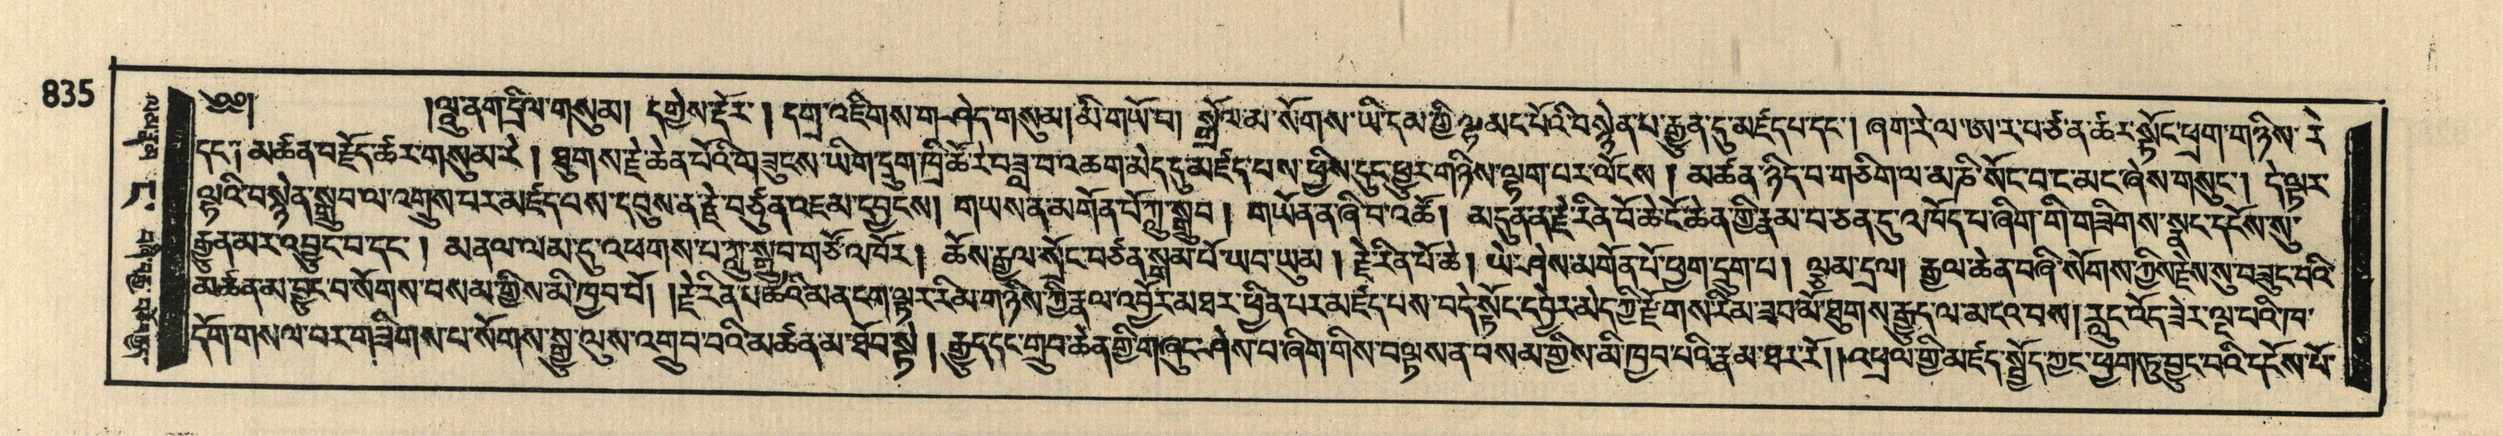༄༅། །ལཱུ་ནག་དྲིལ་གསུམ། དགྱེས་རྡོར། དགྲ་འཇིགས་གཤེད་གསུམ། མི་གཡོ་བ། སྒྲོལ་མ་སོགས་ཡི་དམ་གྱི་ལྷ་མང་པོའི་བསྙེན་པ་རྒྱུན་དུ་མཛད་པ་དང་། ཞག་རེ་ལ་ཨ་ར་པ་ཙ་ན་ཚར་སྟོང་ཕྲག་གཉིས་རེ་
དང༑ མཚན་བརྗོད་ཚར་གསུམ་རེ། ཐུགས་རྗེ་ཆེན་པོའི་གཟུངས་ཡིག་དྲུག་ཁྲི་ཚོ་རེ་བཟླ་བ་འཆག་མེད་དུ་མཛད་པས་ཕྱིས་དུང་ཕྱུར་གཉིས་ལྷག་པར་ལོངས། མཚན་ཉིད་པ་གཅིག་ལ་མ་ཎི་སོང་བང་མང་ཞེས་གསུང་། དེ་ལྟར་
ལྷའི་བསྙེན་སྒྲུབ་ལ་འགྲུས་པར་མཛད་པས་དབུས་ན་རྗེ་བཙུན་འཇམ་དབྱངས། གཡས་ན་མགོན་པོ་ཀླུ་སྒྲུབ། གཡོན་ན་ཞི་བ་འཚོ། མདུན་ན་རྗེ་རིན་པོ་ཆེ་ངོ་ཆེན་གྱི་རྣམ་པ་ཅན་དུ་འཁོད་པ་ཞིག་གི་གཟིགས་སྣང་དངོས་སུ་
རྒྱུན་མར་འབྱུང་བ་དང་། མནལ་ལམ་དུ་འཕགས་པ་ཀླུ་སྒྲུབ་གཙོ་འཁོར། ཆོས་རྒྱལ་སྲོང་བཙན་སྒམ་པོ་ཡབ་ཡུམ། རྗེ་རིན་པོ་ཆེ། ཡེ་ཤེས་མགོན་པོ་ཕྱག་དྲུག་པ། ལྕམ་དྲལ། རྒྱལ་ཆེན་བཞི་སོགས་ཀྱིས་རྗེས་སུ་བཟུང་བའི་
མཚན་མ་བྱུང་བ་སོགས་བསམ་གྱིས་མི་ཁྱབ་བོ། །རྗེ་རིན་པོ་ཆེའི་མན་ངག་ལྟར་རིམ་གཉིས་ཀྱི་རྣལ་འབྱོར་མཐར་ཕྱིན་པར་མཛད་པས་བདེ་སྟོང་དབྱེར་མེད་ཀྱི་རྫོགས་རིམ་ཟབ་མོ་ཐུགས་རྒྱུད་ལ་མངའ་བས། རླུང་འོད་ཟེར་ལྔ་པའི་ཁ་
དོག་གསལ་བར་གཟིགས་པ་སོགས་སྒྱུ་ལུས་འགྲུབ་པའི་མཚན་མ་ཐོབ་སྟེ། རྒྱུད་དང་གྲུབ་ཆེན་གྱི་གཞུང་ཤེས་པ་ཞིག་གིས་བལྟས་ན་བསམ་གྱིས་མི་ཁྱབ་པའི་རྣམ་ཐར་རོ། །འཕྲལ་གྱི་མཛད་སྤྱོད་ཀྱང་ཕྱག་ཏུ་བྱུང་བའི་དངོས་པོ་